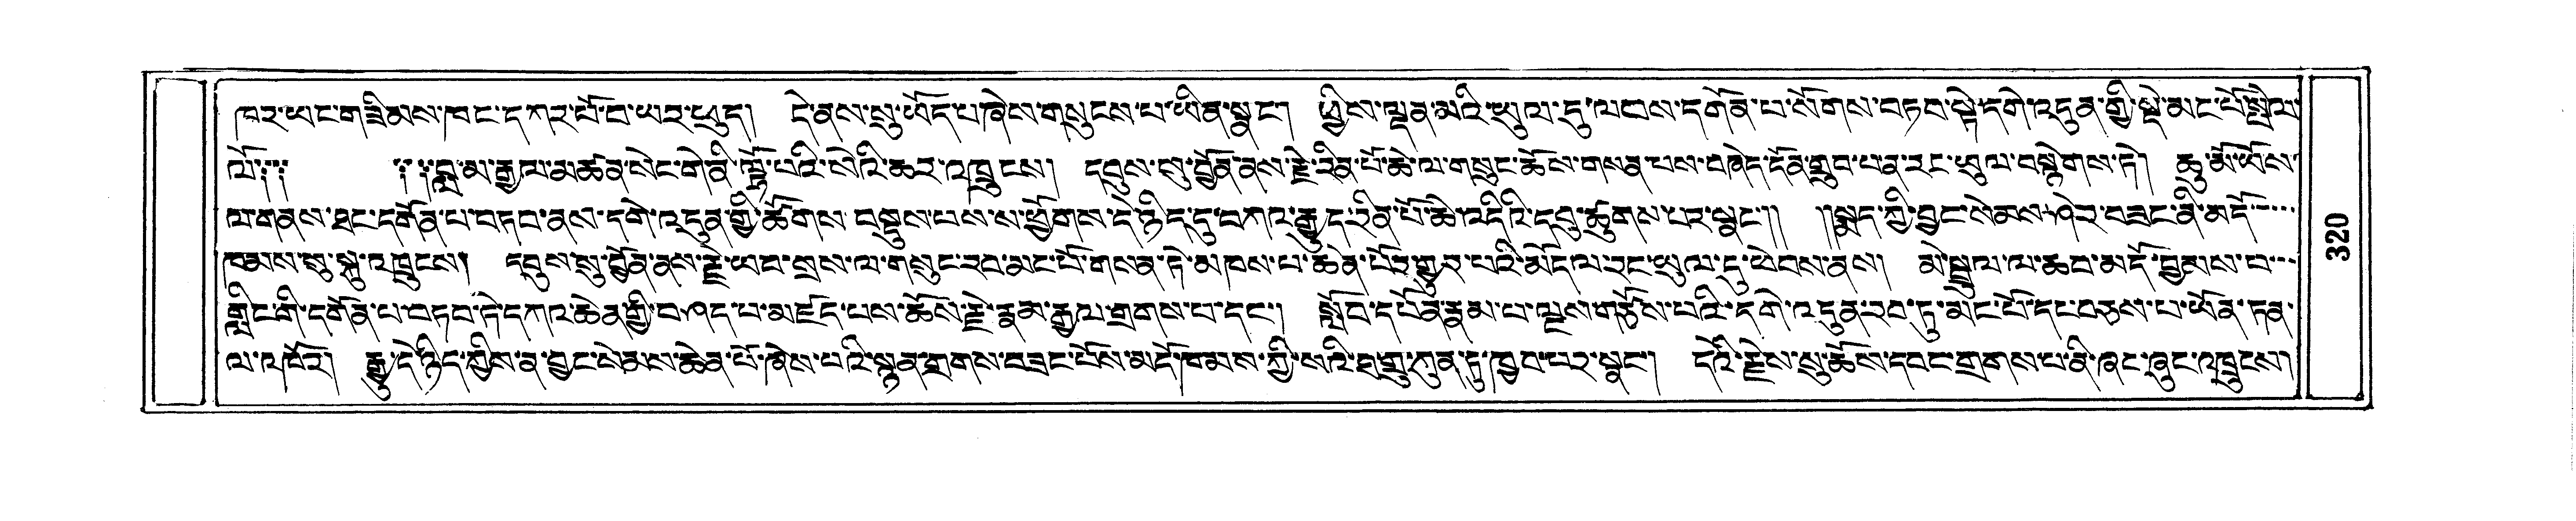ཁར་ཡང་གཟིམས་ཁང་དཀར་པོ་བ་ཡར་ཕུད། དེ་ནས་སུ་ཡོད་པ་ཞེས་གསུངས་པ་ཡིན་སྣང་། ཕྱིས་ལྡན་མའི་ཡུལ་དུ་ལབས་དགོན་པ་སོགས་བཏབ་སྟེ་དགེ་འདུན་གྱི་སྡེ་མང་པོ་སྤེལ་
ལོ༑༑ ༑༑བླ་མ་རྒྱལ་མཚན་སེང་གེ་ནི་ལྷོ་པའི་སེའི་ཆར་འཁྲུངས། དབུས་སུ་བྱོན་ནས་རྗེ་རིན་པོ་ཆེ་ལ་གསུང་ཆོས་གསན་པས་བཞེད་དོན་གྲུབ་པ་ན་རང་ཡུལ་བསྙེགས་ཏེ། ཆུ་མོ་ཡོས་
ལ་གནས་ཐང་དགོན་པ་བཏབ་ནས་དགེ་འདུན་གྱི་ཚོགས་བསྡུས་པས་ས་ཕྱོགས་དེ་ཉིད་དུ་བཀའ་རྒྱུད་རིན་པོ་ཆེ་འདིའི་དབུ་ཚུགས་པར་སྣང།། །།སྨད་ཀྱི་བྱང་སེམས་ཤེར་བཟང་ནི་མདོ་
ཁམས་སུ་སྐུ་འཁྲུངས། དབུས་སུ་བྱོན་ནས་རྗེ་ཡབ་སྲས་ལ་གསུང་རབ་མང་པོ་གསན་ཏེ་མཁས་པ་ཆེན་པོར་གྱུར་པའི་མདོ་ལ་རང་ཡུལ་དུ་ཕེབས་ནས། མེ་སྦྲུལ་ལ་ཆབ་མདོ་བྱམས་པ་
གླིང་གི་དགོན་པ་བཏབ་ཏེ་དཀའ་ཆེན་གྱི་བཤད་པ་མཛད་པས་ཆོས་རྗེ་རྣམ་རྒྱལ་གྲགས་པ་དང་། སློབ་དཔོན་རྣམ་པ་ལྔས་གཙོས་པའི་དགེ་འདུན་རབ་ཏུ་མང་པོ་དང་བཅས་པ་ཡོན་ཏན་
ལ་འཁོར། རྒྱུ་དེ་ཉིད་ཀྱིས་ན་བྱང་སེམས་ཆེན་པོ་ཞེས་པའི་གསྙན་གྲགས་བཟང་པོས་མདོ་ཁམས་ཀྱི་སའི་ཐ་གྲུ་ཀུན་ཏུ་ཁྱབ་པར་སྣང་། དེའི་རྗེས་སུ་ཆོས་དབང་གྲགས་པ་ནི་ཞང་ཞུང་འཁྲུངས་